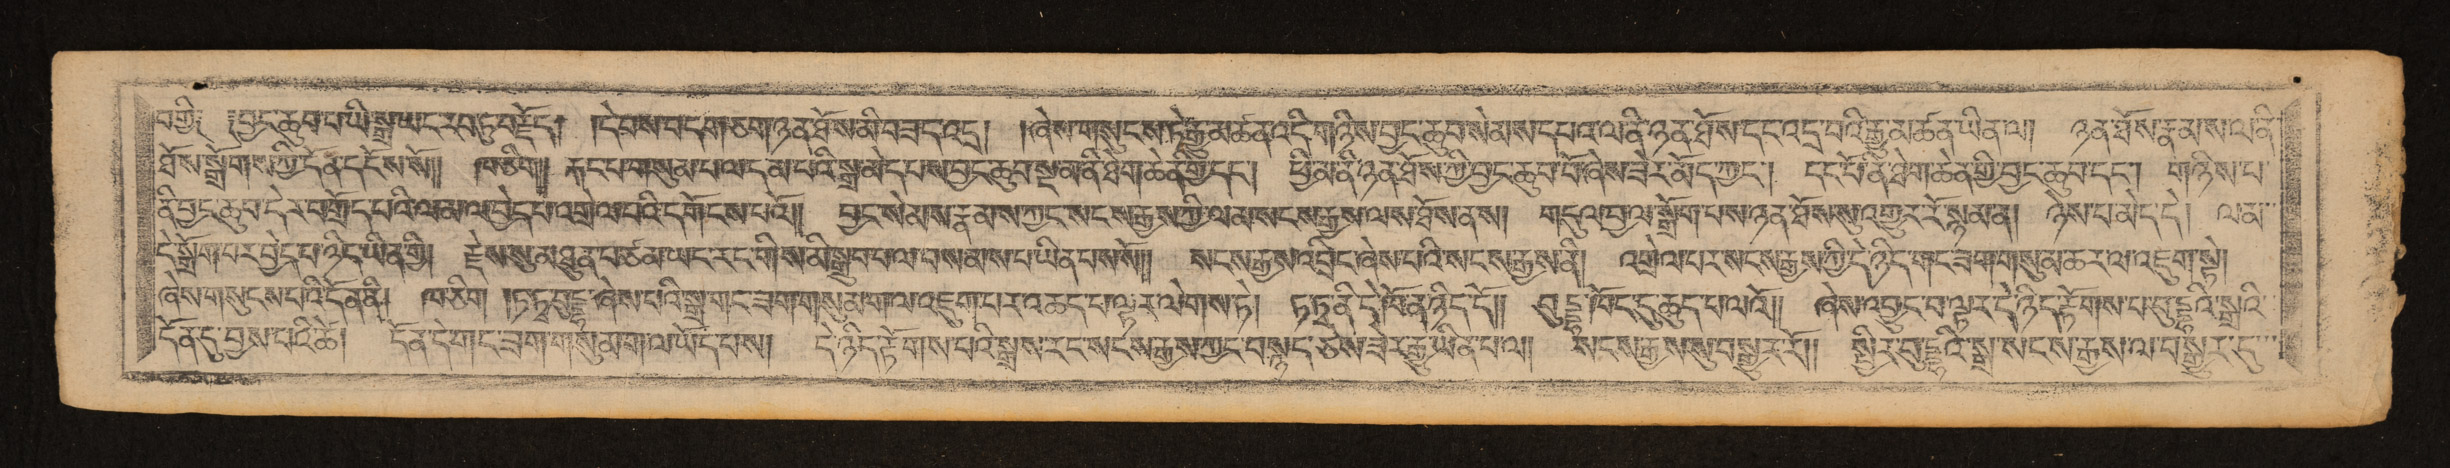བགྱི། །བྱང་ཆུབ་པ་ཡི་སྒྲ་ཡང་རབ་ཏུ་བརྗོད། །དེ་བས་བདག་ཅག་ཉན་ཐོས་མི་བཟད་འདྲ། །ཞེས་གསུངས་ཏེ་རྒྱུ་མཚན་འདི་གཉིས་བྱང་ཆུབ་སེམས་དཔའ་ལ་ནི་ཉན་ཐོས་དང་འདྲ་བའི་རྒྱུ་མཚན་ཡིན་ལ། ཉན་ཐོས་རྣམས་ལ་ནི་
ཐོས་སྒྲོགས་ཀྱི་དོན་དངོས་སོ།། ཁ་ཅིག། རྐང་པ་གསུམ་པ་ལ་དམ་པའི་སྒྲ་མེད་པས་བྱང་ཆུབ་སྔ་མ་ནི་ཐེག་ཆེན་གྱི་དང་། ཕྱི་མ་ནི་ཉན་ཐོས་ཀྱི་བྱང་ཆུབ་བོ་ཞེས་ཟེར་མོད་ཀྱང་། དང་པོ་ནི་ཐེག་ཆེན་གྱི་བྱང་ཆུབ་དང་། གཉིས་པ་
ནི་བྱང་ཆུབ་དེར་བགྲོད་པའི་ལམ་ལ་བྱེད་པ་འགྲེལ་པའི་དགོངས་པའོ།། བྱང་སེམས་རྣམས་ཀྱང་སངས་རྒྱས་ཀྱི་ལམ་སངས་རྒྱས་ལས་ཐོས་ནས། གདུལ་བྱ་ལ་སྒྲོག་པས་ཉན་ཐོས་སུ་འགྱུར་རོ་སྙམ་ན། ཉེས་པ་མེད་དེ། ལམ་
དེ་སྒྲོག་པར་བྱེད་པ་ཉིད་ཡིན་གྱི། རྗེས་སུ་མཐུན་པ་ཙམ་ཡང་རང་གིས་མི་སྒྲུབ་པ་ལ་བསམས་པ་ཡིན་པས་སོ།། སངས་རྒྱས་འབྲིང་ཞེས་པའི་སངས་རྒྱས་ནི། འགྲེལ་པར་སངས་རྒྱས་ཀྱི་དེ་ཉིད་གང་ཟག་གསུམ་ཆར་ལ་འཇུག་སྟེ།
ཞེས་གསུངས་པའི་དོན་ནི། ཁ་ཅིག །ཏ་ཏྭ་བུདྡྷ་ཞེས་པའི་སྒྲ་གང་ཟག་གསུམ་ག་ལ་འཇུག་པར་འཆད་པ་ལྟར་ལེགས་ཏེ། ཏ་ཏྭ་ནི་དེ་ཁོ་ན་ཉིད་དོ།། བུདྡྷ་ཁོང་དུ་ཆུད་པ་ལའོ།། ཞེས་འབྱུང་བ་ལྟར་དེ་ཉིད་རྟོགས་པ་བུདྡྷའི་སྒྲའི་
དོན་དུ་བྱས་པའི་ཚེ། དོན་དེ་གང་ཟག་གསུམ་ག་ལ་ཡོད་པས། དེ་ཉིད་རྟོགས་པའི་སྒྲས་རང་སངས་རྒྱས་ཀྱང་བསྙད་ཅེས་ཟེར་རྒྱུ་ཡིན་པ་ལ། སངས་རྒྱས་སུ་བསྒྱུར་རོ།། སྤྱིར་བུ་དྡྷའི་སྒྲ་སངས་རྒྱས་ལ་བསྒྱུར་དུ་